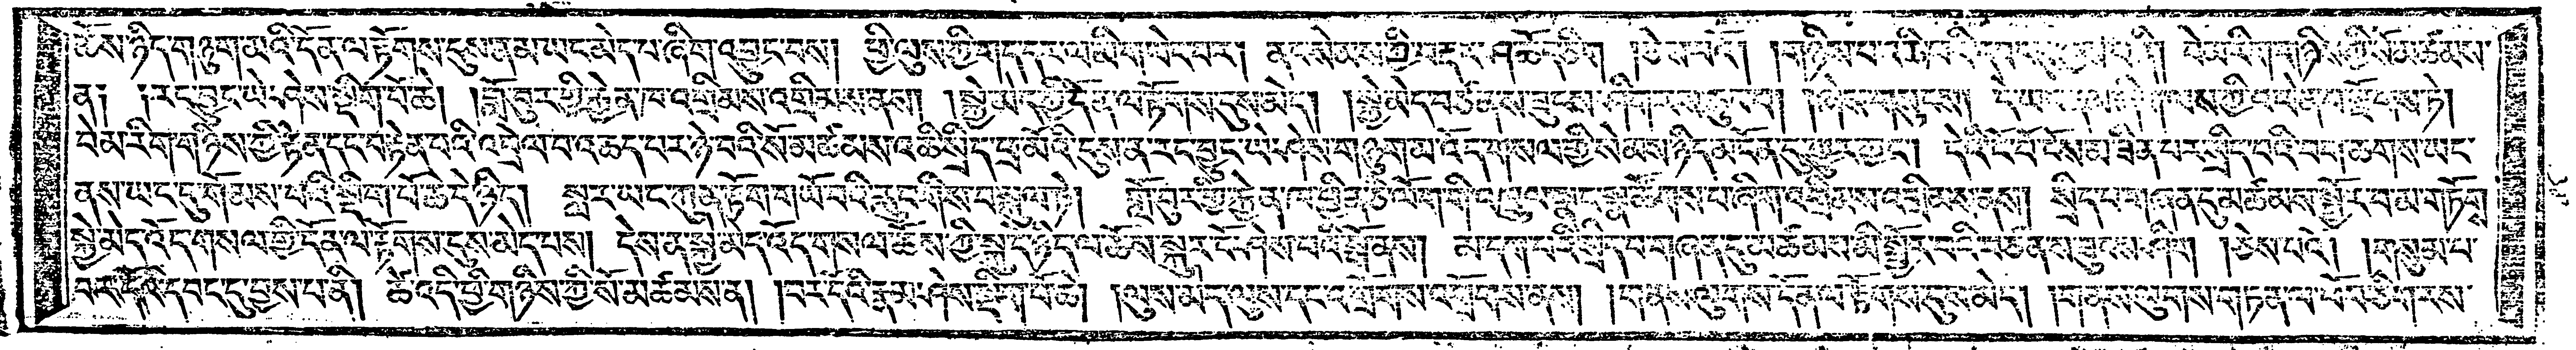ཆོས་ཉིད་གཉུག་མའི་དོན་ལ་རྟོགས་དུས་ནམ་ཡང་མེད་པ་ཞིག་འབྱུང་བས། ཕྱི་ལུས་ཀྱི་གད་དར་ལ་མི་གཡེང་བར། ནང་སེམས་ཀྱི་བརྡར་ཤ་ཆོད་ཅིག །ཅེས་བའོ། །གཉིས་པ་འཆི་བའི་དབང་དུ་བྱས་པ་ནི། བེམ་རིག་གཉིས་ཀྱི་སོ་མཚམས་
ན༑ ༑རང་བྱུང་ཡེ་ཤེས་སྡིག་པོ་ཆེ། །གློ་བུར་གྱི་རྐྱེན་ཁ་འགྲིམས་འགྲིམས་ནས། །སྐྱེ་མེད་ཀྱི་དོན་ལ་རྟོགས་དུས་མེད། །སྐྱེ་མེད་བཙན་ས་ཟུངས་ཤིག་རས་ཆུང་བ། །ཞེས་གསུངས། དེ་ཡང་ནམ་ཞིག་ལས་ཀྱི་འཕེན་པ་རྫོགས་ཏེ།
བེམ་རིག་གཉིས་ཀྱི་རྟེན་དང་བརྟེན་བའི་འབྲེལ་བ་འཆད་པར་ཉེ་བའི་སོ་མཚམས་འཆི་སྲིད་ཕྲ་མོའི་དུས་ན་རང་བྱུང་ཡེ་ཤེས་གཉུག་མ་འོད་གསལ་གྱི་སེམས་ཉིད་མངོན་དུ་གྱུར་ཀྱང་། དེའི་ངོ་བོ་ངོས་མ་ཟིན་པར་སྲིད་པའི་བག་ཆགས་ཡང་
ནས་ཡང་དུ་གོམས་པའི་སྡིག་པོ་ཆེ་དེ་ཉིད། སླར་ཡང་ཀུན་རྟོག་གཡོ་བའི་རླུང་གིས་བསྐུལ་ཏེ། གློ་བུར་གྱི་རྐྱེན་ཁ་ཕྱིན་ཅི་ལོག་གི་འཁྲུལ་སྣང་སྣ་ཚོགས་པ་ཞིག་འགྲིམས་འགྲིམས་ནས། སྲིད་པ་གཞན་དུ་མཚམས་སྦྱོར་བ་མ་གཏོགས་
སྐྱེ་མེད་འོད་གསལ་གྱི་དོན་ལ་རྟོགས་དུས་མེད་པས། དེས་ན་སྐྱེ་མེད་འོད་གསལ་ཆོས་ཀྱི་སྐུ་དེ་ཉིད་ལ་ཆོས་སྐུར་ངོ་ཤེས་པའི་སྒོ་ནས། མ་དག་པའི་སྲིད་པ་གཞན་དུ་མཚམས་མི་སྦྱོར་བའི་བཙན་ས་ཟུངས་ཤིག །ཅེས་པའོ། །གསུམ་པ་
བར་དོའི་དབང་དུ་བྱས་པ་ནི། ཚེ་འདི་ཕྱི་གཉིས་ཀྱི་སོ་མཚམས་ན། །བར་དོའི་རྣམ་ཤེས་སྡིག་པོ་ཆེ། །ལུས་མེད་ལུས་དང་འགྲོགས་འགྲོགས་ནས། །གནས་ལུགས་དོན་ལ་རྟོགས་དུས་མེད། །གནས་ལུགས་གཏན་ལ་ཕོབ་ཅིགས་རས་